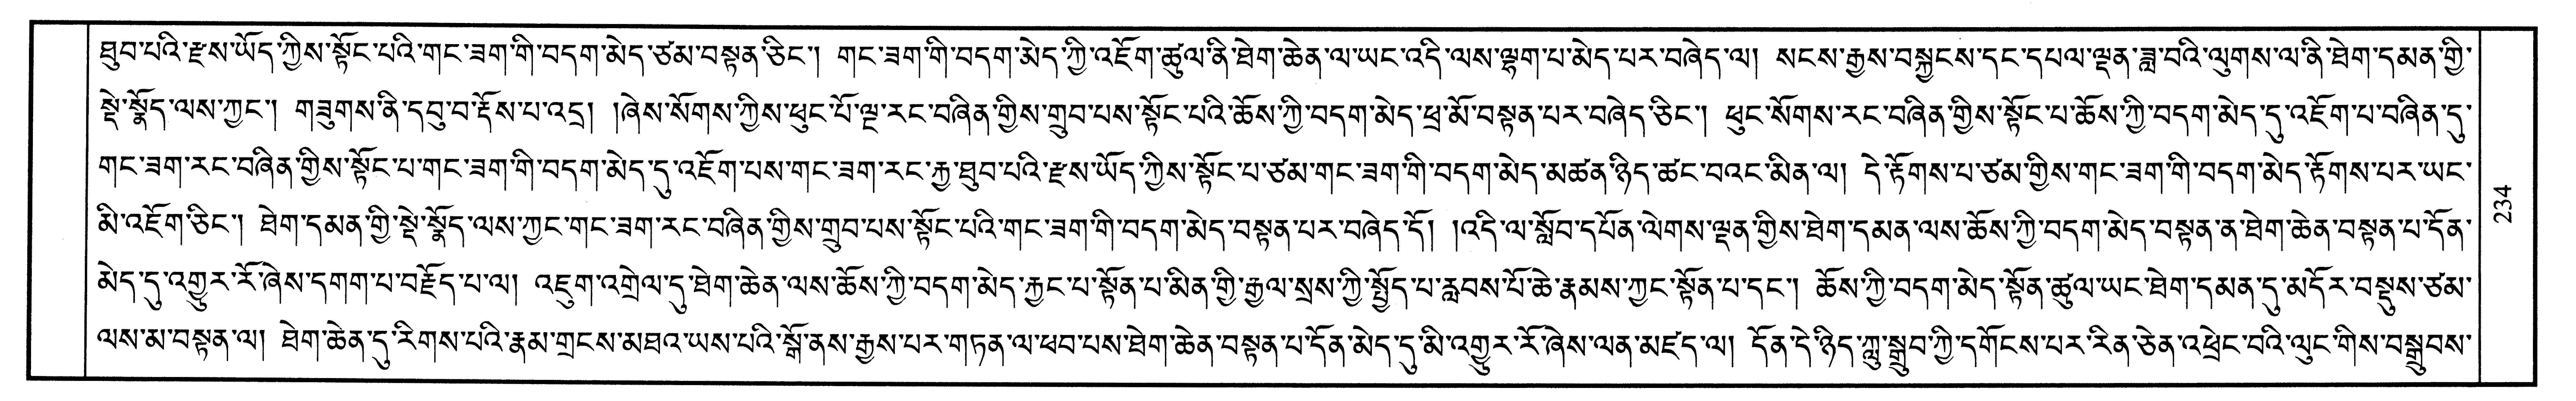ཐུབ་པའི་རྫས་ཡོད་ཀྱིས་སྟོང་པའི་གང་ཟག་གི་བདག་མེད་ཙམ་བསྟན་ཅིང་། གང་ཟག་གི་བདག་མེད་ཀྱི་འཇོག་ཚུལ་ནི་ཐེག་ཆེན་ལ་ཡང་འདི་ལས་ལྷག་པ་མེད་པར་བཞེད་ལ། སངས་རྒྱས་བསྐྱངས་དང་དཔལ་ལྡན་ཟླ་བའི་ལུགས་ལ་ནི་ཐེག་དམན་གྱི་
སྡེ་སྣོད་ལས་ཀྱང་། གཟུགས་ནི་དབུ་བ་རྡོས་པ་འདྲ། །ཞེས་སོགས་ཀྱིས་ཕུང་པོ་ལྔ་རང་བཞིན་གྱིས་གྲུབ་པས་སྟོང་པའི་ཆོས་ཀྱི་བདག་མེད་ཕྲ་མོ་བསྟན་པར་བཞེད་ཅིང་། ཕུང་སོགས་རང་བཞིན་གྱིས་སྟོང་པ་ཆོས་ཀྱི་བདག་མེད་དུ་འཇོག་པ་བཞིན་དུ་
གང་ཟག་རང་བཞིན་གྱིས་སྟོང་པ་གང་ཟག་གི་བདག་མེད་དུ་འཇོག་པས་གང་ཟག་རང་རྐྱ་ཐུབ་པའི་རྫས་ཡོད་ཀྱིས་སྟོང་པ་ཙམ་གང་ཟག་གི་བདག་མེད་མཚན་ཉིད་ཚང་བའང་མིན་ལ། དེ་རྟོགས་པ་ཙམ་གྱིས་གང་ཟག་གི་བདག་མེད་རྟོགས་པར་ཡང་
མི་འཇོག་ཅིང་། ཐེག་དམན་གྱི་སྡེ་སྣོད་ལས་ཀྱང་གང་ཟག་རང་བཞིན་གྱིས་གྲུབ་པས་སྟོང་པའི་གང་ཟག་གི་བདག་མེད་བསྟན་པར་བཞེད་དོ། །འདི་ལ་སློབ་དཔོན་ལེགས་ལྡན་གྱིས་ཐེག་དམན་ལས་ཆོས་ཀྱི་བདག་མེད་བསྟན་ན་ཐེག་ཆེན་བསྟན་པ་དོན་
མེད་དུ་འགྱུར་རོ་ཞེས་དགག་པ་བརྗོད་པ་ལ། འཇུག་འགྲེལ་དུ་ཐེག་ཆེན་ལས་ཆོས་ཀྱི་བདག་མེད་རྐྱང་པ་སྟོན་པ་མིན་གྱི་རྒྱལ་སྲས་ཀྱི་སྤྱོད་པ་རླབས་པོ་ཆེ་རྣམས་ཀྱང་སྟོན་པ་དང་། ཆོས་ཀྱི་བདག་མེད་སྟོན་ཚུལ་ཡང་ཐེག་དམན་དུ་མདོར་བསྡུས་ཙམ་
ལས་མ་བསྟན་ལ། ཐེག་ཆེན་དུ་རིགས་པའི་རྣམ་གྲངས་མཐའ་ཡས་པའི་སྒོ་ནས་རྒྱས་པར་གཏན་ལ་ཕབ་པས་ཐེག་ཆེན་བསྟན་པ་དོན་མེད་དུ་མི་འགྱུར་རོ་ཞེས་ལན་མཛད་ལ། དོན་དེ་ཉིད་ཀླུ་སྒྲུབ་ཀྱི་དགོངས་པར་རིན་ཅེན་འཕྲེང་བའི་ལུང་གིས་བསྒྲུབས་